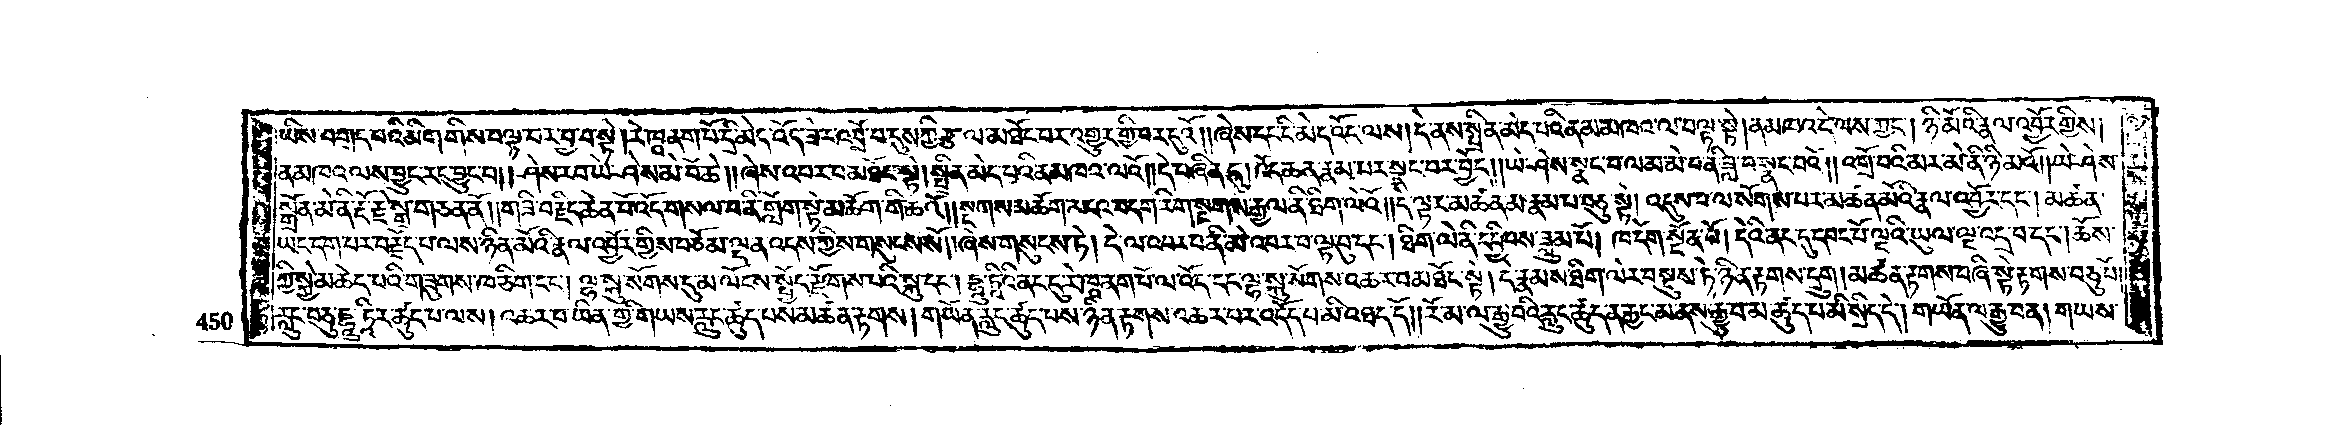ཡིས་བགྲད་པའི་མིག་གིས་བལྟ་བར་བྱ་བ་སྟེ། རེ་ཁཱ་ནག་པོ་དྲི་མེད་འོད་ཟེར་འབྲོ་བ་དུས་ཀྱི་རྩལ་མཐོང་བར་འགྱུར་གྱི་བར་དུའོ། །ཞེས་དང་ངི་?་མེད་འོང་ལས། དེ་ནས་སྤྲིན་མེད་པའི་ནམ་མཁའ་ལ་བལྟ་སྟེ། ནམ་མཁའ་དེ་ལས་ཀྱང་། ཉི་མོའི་རྣལ་འབྱོར་གྱིས།
ནམ་མཁའ་ལས་བྱུང་རང་བྱུང་བ། །ཤེས་རབ་ཡེ་ཤེས་མེ་བོ་ཆེ། །ཞེས་འབར་བ་མཐོང་སྟེ། སྤྲིན་མེད་པའི་ནམ་མཁའ་ལའོ། །དེ་བཞིན་དུ། འོད་ཆེན་རྣམ་པར་སྣང་བར་བྱེད། །ཡེ་ཤེས་སྣང་བ་ལམ་མེ་བ་ནི་ཟླ་བ་སྣང་བའོ། །འགྲོ་བའི་མར་མེ་ནི་ཉི་མའོ། །ཡེ་ཤེས་
སྒྲོན་མེ་ནི་རྡོ་རྗེ་སྒྲ་གཅན་ནོ། །གཟི་བརྗིད་ཆེན་པོ་འོད་གསལ་བ་ནི་གློག་སྟེ་མཆོག་གི་ཆའོ། །སྔགས་མཆོག་མངའ་བདག་རིག་སྔགས་རྒྱལ་ནི་ཐིག་ལེའོ། །དེ་ལྟར་མཚན་མ་རྣམ་པ་བཅུ་སྟེ། འདུས་པ་ལ་སོགས་པར་མཚན་མོའི་རྣལ་འབྱོར་དང་། མཚན་
ཡང་དག་པར་བརྗོད་པ་ལས་ཉིན་མོའི་རྣལ་འབྱོར་གྱིས་བཅོམ་ལྡན་འདས་ཀྱིས་གསུངས་སོ། །ཞེས་གསུངས་ཏེ། དེ་ལ་འབར་བ་ནི་མེ་འབར་བ་ལྟ་བུ་དང་། ཐིག་ལེ་ནི་དབྱིབས་ཟླུམ་པོ། ཁ་དོག་སྔོན་པོ། དེའི་ནང་དུ་དབང་པོ་ལྔའི་ཡུལ་ལྔ་འདྲ་བ་དང་། ཆོས་
ཀྱི་སྐྱེ་མཆེད་པའི་གཟུགས་ཁ་ཅིག་དང་། ལྷ་སྐུ་སོགས་དུ་མ་ལོངས་སྤྱོད་རྫོགས་པའི་སྐུ་དང་། དྷཱུ་ཏཱིའི་ནང་དུ་རེ་ཁཱ་ནག་པོ་ལ་འོད་དང་ལྷ་སྐུ་སོགས་འཆར་བ་མཐོང་སྟེ། དེ་རྣམས་ཐིག་ལེར་བསྡུས་ཏེ་ཉིན་རྟགས་དྲུག །མཚན་རྟགས་བཞི་སྟེ་རྟགས་བཅུ་པོ།
རླུང་བཅུ་དྷཱུ་ཏཱིར་ཚུད་པ་ལས། འཆར་བ་ཡིན་གྱི་གཡས་རླུང་ཚུད་པས་མཚན་རྟགས། གཡོན་རླུང་ཚུད་པས་ཉིན་རྟགས་འཆར་པར་འདོད་པ་མི་འཐད་དོ། །རོ་མ་ལ་རྒྱུ་བའི་རླུང་ཚུད་ན་རྐྱང་མ་ནས་རྒྱུ་བ་མ་ཚུད་པ་མི་སྲིད་དེ། གཡོན་ལ་རྒྱུ་བ་ན། གཡས་